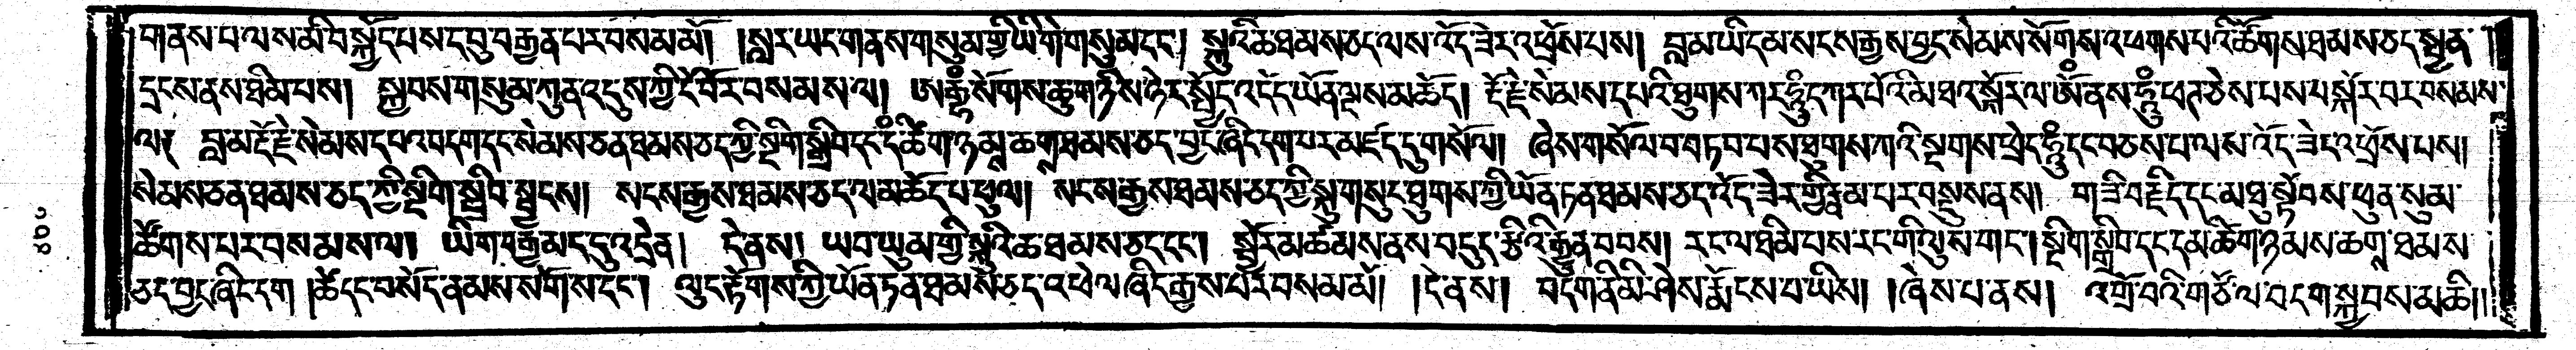གནས་པ་ལས་མི་བསྐྱོད་པས་དབུ་བརྒྱན་པར་བསམ་མོ། །སླར་ཡང་གནས་གསུམ་གྱི་ཡི་གེ་གསུམ་དང་། སྐུའི་ཆ་ཐམས་ཅད་ལས་འོད་ཟེར་འཕྲོས་པས། བླ་མ་ཡི་དམ་སངས་རྒྱས་བྱང་སེམས་སོགས་འཕགས་པའི་ཚོགས་ཐམས་ཅད་སྤྱན་
དྲངས་ནས་ཐིམ་པས། སྐྱབས་གསུམ་ཀུན་འདུས་ཀྱི་ངོ་བོར་བསམས་ལ། ཨརྒྷཾ་སོགས་ཆུ་གཉིས་ཉེར་སྤྱོད་འདོད་ཡོན་ལྔས་མཆོད། རྡོ་རྗེ་སེམས་དཔའི་ཐུགས་ཀར་ཧཱུཾ་དཀར་པོའི་མཐའ་སྐོར་ལ་ཨོཾ་ནས་ཧཱུཾ་ཕཊ་ཅེས་པས་བསྐོར་བར་བསམས་
ལ༑ བླ་མ་རྡོ་རྗེ་སེམས་དཔའ་བདག་དང་སེམས་ཅན་ཐམས་ཅད་ཀྱི་སྡིག་སྒྲིབ་དང་དཾ་ཚིག་ཉམས་ཆགས་ཐམས་ཅད་བྱང་ཞིང་དག་པར་མཛད་དུ་གསོལ། ཞེས་གསོལ་བ་བཏབ་པས་ཐུགས་ཀའི་སྔགས་ཕྲེང་ཧཱུཾ་དང་བཅས་པ་ལས་འོད་ཟེད་འཕྲོས་པས།
སེམས་ཅན་ཐམས་ཅད་ཀྱི་སྡིག་སྒྲིབ་སྦྱངས། སངས་རྒྱས་ཐམས་ཅད་ལ་མཆོད་པ་ཕུལ། སངས་རྒྱས་ཐམས་ཅད་ཀྱི་སྐུ་གསུང་ཐུགས་ཀྱི་ཡོན་ཏན་ཐམས་ཅད་འོད་ཟེར་གྱི་རྣམ་པར་བསྡུས་ནས། གཟི་བརྗིད་དང་མཐུ་སྟོབས་ཕུན་སུམ་
ཚོགས་པར་བསམས་ལ། ཡིག་བརྒྱ་མང་དུ་འདྲེན། དེ་ནས། ཡབ་ཡུམ་གྱི་སྐུའི་ཆ་ཐམས་ཅད་དང་། སྦྱོར་མཚམས་ནས་བདུད་རྩིའི་རྒྱུན་བབས། རང་ལ་ཐིམ་པས་རང་གི་ལུས་གང་། སྡིག་སྒྲིབ་དང་དམ་ཚིག་ཉམས་ཆགས་ཐམས་
ཅད་བྱང་ཞིང་དག །ཚེ་དང་བསོད་ནམས་སོགས་དང་། ལུང་རྟོགས་ཀྱི་ཡོན་ཏན་ཐམས་ཅད་འཕེལ་ཞིང་རྒྱས་པར་བསམ་མོ། །དེ་ནས། བདག་ནི་མི་ཤེས་རྨོངས་པ་ཡིས། །ཞེས་པ་ནས། འགྲོ་བའི་གཙོ་ལ་བདག་སྐྱབས་མཆི།།